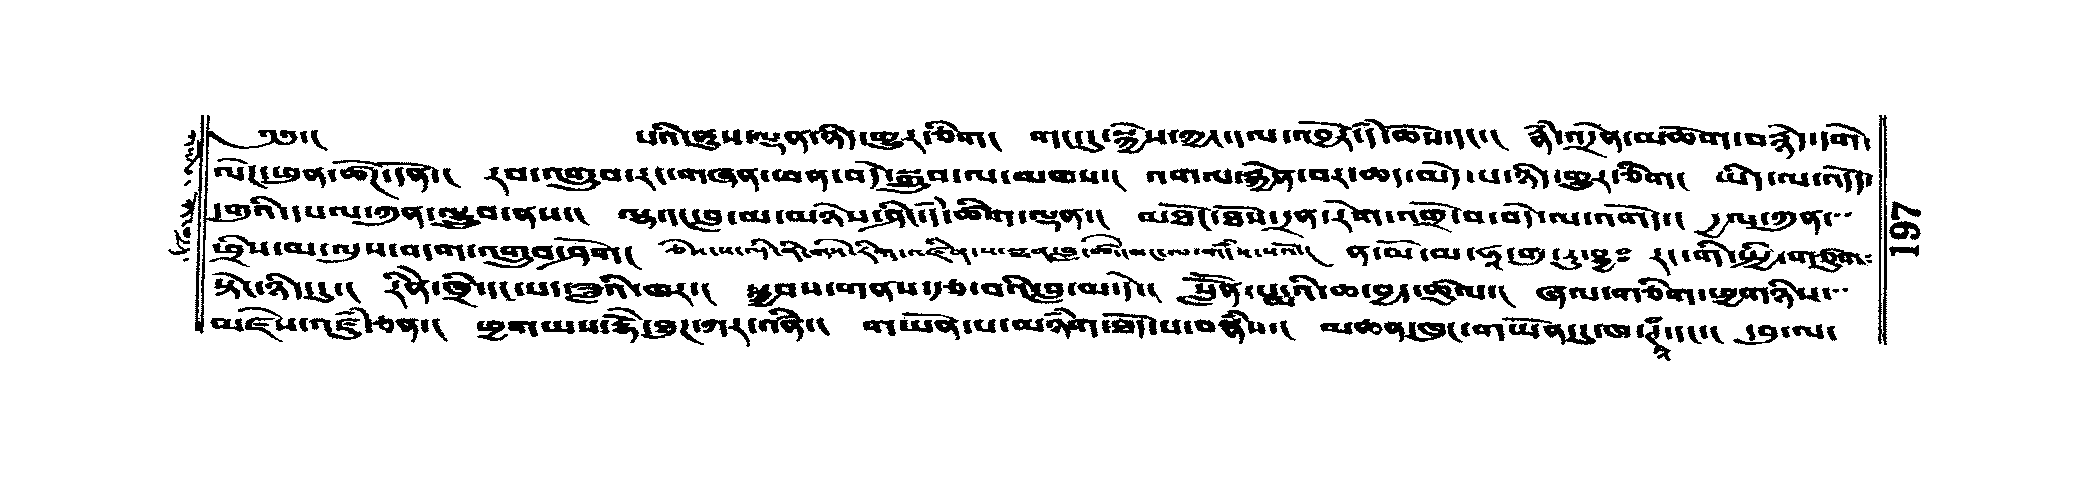པའི་ནུས་ལྡན་ཉིད་གྱུར་ཅིག །གང་དུ་སྐྱེས་ཀྱང་དལ་འབྱོར་དམ་ཆོས་དང་། །རྣམ་འདྲེན་མཆོག་བརྙེད་དགེ་
ལེགས་ཕུན་ཚོགས་དོན། །རབ་འགྲུབ་རང་གཞན་ཕན་བདེ་སྒྲུབ་ལ་མཁས། །འགལ་རྐྱེན་བར་ཆད་མེད་པ་ཉིད་གྱུར་ཅིག །ཡིད་ལ་འདོད་
དགུའི་དཔལ་ཀུན་ལྷུན་གྲུབ་ནས། །ལྷ་དང་བླ་མ་མཉེས་ཤིང་དམ་ཚིག་ལྡན། །མཐོང་ཐོས་དྲན་རེག་འགྲོ་བ་དབེ་ལ་འགོད། །རྒྱལ་ཀུན་
ཕྲིན་ལས་མ་ལུས་བདག་འགྲུབ་ཤོག ཅེས་པ་འདི་ནི་གསོ་རིག་འཛིན་པ་སྨན་བླ་ཚེ་དབང་ལ་གདམས་པའོ།། ན་མོ་མ་ཧཱ་གུ་རུ་བྷྱཿ རང་གི་སྤྱི་གཙུག་
སྟེང་ཉིད་དུ། །རིན་ཆེན་ཁྲི་དང་པད་ཟླའི་ཁར། །སྐྱབས་གནས་རྩ་བའི་བླ་མ་དེ། །སློབ་དཔོན་པདྨའི་ཆ་བྱད་ཚུལ། །ཞལ་གཅིག་ཕྱག་གཉིས་
མཛེས་འཛུམ་ཅན། །ཕྱག་གཡས་རྡོ་རྗེ་ཐུགས་ཀར་འཛིན། །གཡོན་པ་མཉམ་བཞག་ཐོད་པ་བསྣམས། །མཆན་ཁུང་གཡོན་དུ་ཁ་ཊྭཱཾ་དང་། །དབུ་ལ་